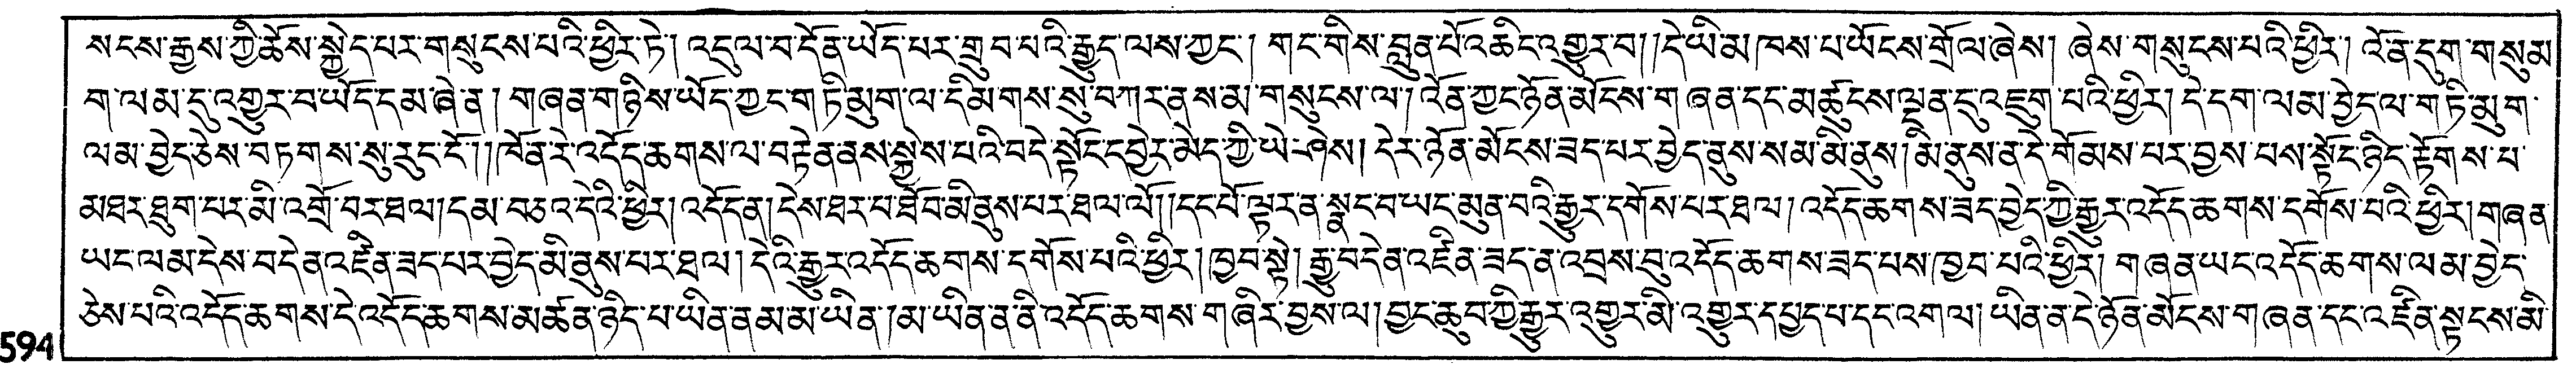སངས་རྒྱས་ཀྱི་ཆོས་སྐྱེད་པར་གསུངས་པའི་ཕྱིར་ཏེ། འདུལ་བ་དོན་ཡོད་པར་གྲུབ་པའི་རྒྱུད་ལས་ཀྱང་། གང་གིས་བླུན་པོ་འཆིང་འགྱུར་བ། །དེ་ཡི་མཁས་པ་ཡོངས་གྲོལ་ཞེས། ཞེས་གསུངས་པའི་ཕྱིར། འོ་ན་དུག་གསུམ་
ག་ལམ་དུ་འགྱུར་བ་ཡོད་དམ་ཞེ་ན། གཞན་གཉིས་ཡོད་ཀྱང་གཏི་མུག་ལ་དམིགས་སུ་བཀར་ནས་མ་གསུངས་ལ། འོན་ཀྱང་ཉོན་མོངས་གཞན་དང་མཚུངས་ལྡན་དུ་འཇུག་པའི་ཕྱིར། དེ་དག་ལམ་བྱེད་ལ་གཏི་མུག་
ལམ་བྱེད་ཅེས་བཏགས་སུ་རུང་ངོ། །ཁོ་ན་རེ་འདོད་ཆགས་ལ་བརྟེན་ནས་སྐྱེས་པའི་བདེ་སྟོང་དབྱེར་མེད་ཀྱི་ཡེ་ཤེས། དེར་ཉོན་མོངས་ཟད་པར་བྱེད་ནུས་སམ་མི་ནུས། མི་ནུས་ན་དེ་གོམས་པར་བྱས་པས་སྟོང་ཉིད་རྟོགས་པ་
མཐར་ཐུག་པར་མི་འགྲོ་བར་ཐལ། དམ་བཅའ་དེའི་ཕྱིར། འདོད་ན། དེས་ཐར་པ་ཐོབ་མི་ནུས་པར་ཐལ་ལོ། །དང་པོ་ལྟར་ན་སྣང་བ་ཡང་མུན་པའི་རྒྱུར་དགོས་པར་ཐལ། འདོད་ཆགས་ཟད་བྱེད་ཀྱི་རྒྱུར་འདོད་ཆགས་དགོས་པའི་ཕྱིར། གཞན་
ཡང་ལམ་དེས་བདེན་འཛིན་ཟད་པར་བྱེད་མི་ནུས་པར་ཐལ། དེའི་རྒྱུར་འདོད་ཆགས་དགོས་པའི་ཕྱིར། ཁྱབ་སྟེ། རྒྱུ་བདེན་འཛིན་ཟད་ན་འབྲས་བུ་འདོད་ཆགས་ཟད་པས་ཁྱབ་པའི་ཕྱིར། གཞན་ཡང་འདོད་ཆགས་ལམ་བྱེད་
ཅེས་པའི་འདོད་ཆགས་དེ་འདོད་ཆགས་མཚན་ཉིད་པ་ཡིན་ནམ་མ་ཡིན། མ་ཡིན་ན་ནི་འདོད་ཆགས་གཞིར་བྱས་ལ། བྱང་ཆུབ་ཀྱི་རྒྱུར་འགྱུར་མི་འགྱུར་དཔྱད་པ་དང་འགལ། ཡིན་ན་དེ་ཉོན་མོངས་གཞན་དང་འཛིན་སྟངས་མི་